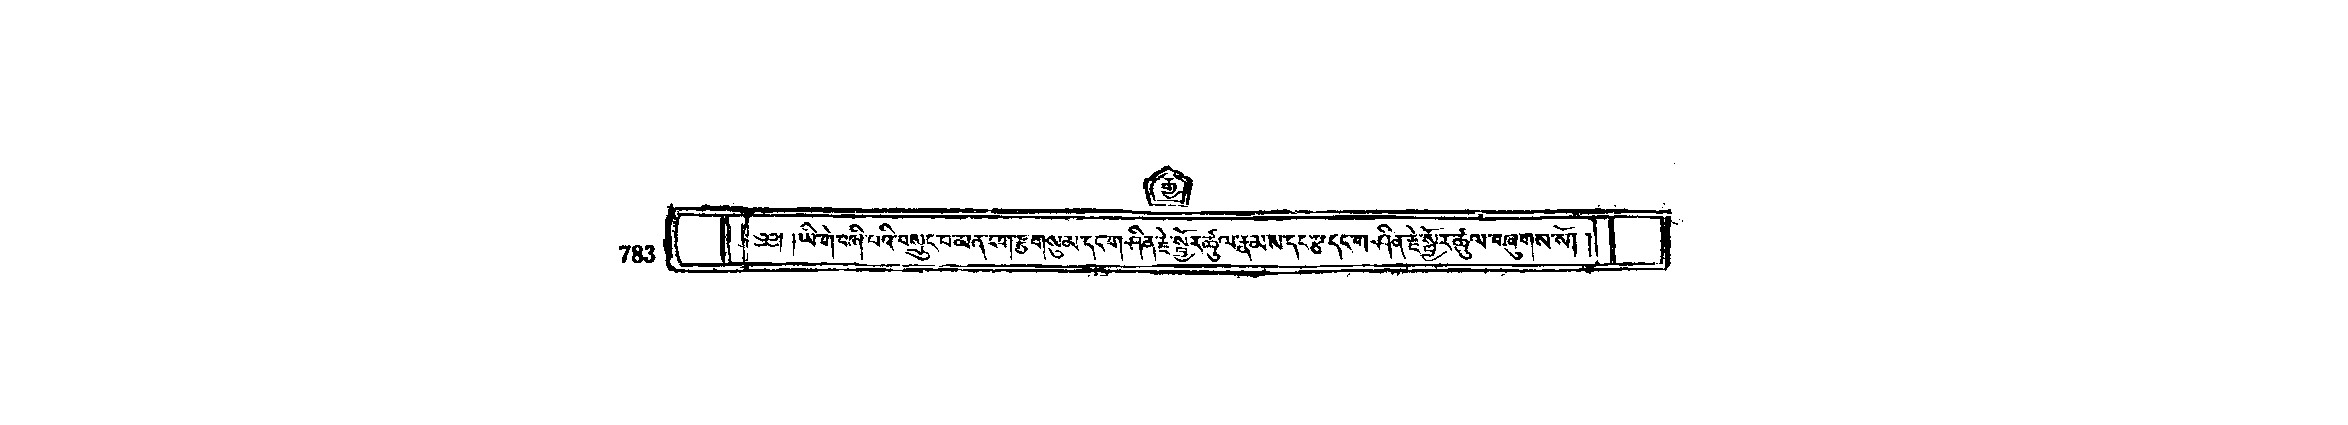༼རྒྱ༽ ༄༅། །ཡི་གེ་བཞི་པའི་བསྲུང་བ་མན་ངག་རྩ་གསུམ་དང་གཤིན་རྗེ་སྦྱོར་ཚུལ་རྣམས་དང་རྩ་དང་གཤིན་རྗེ་སྦྱོར་ཚུལ་བཞུགས་སོ། །